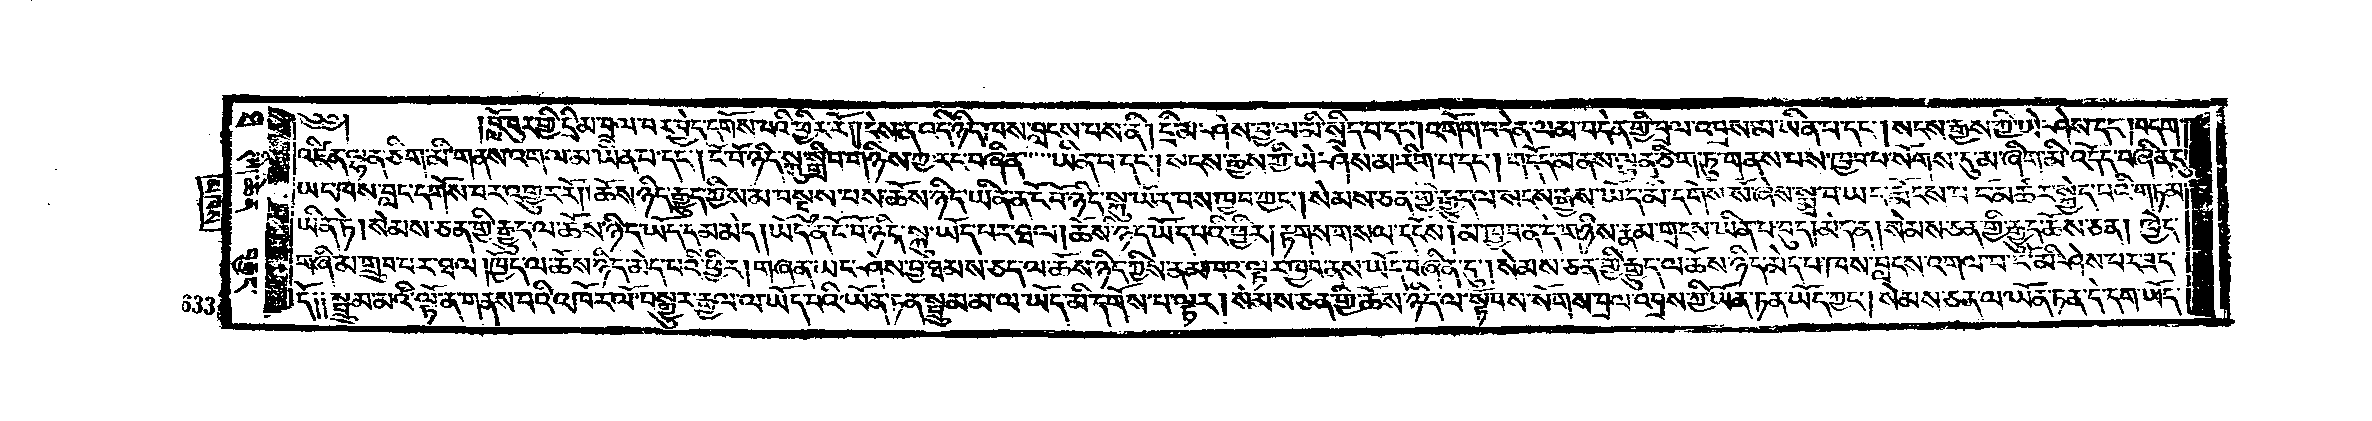༄༅། །བློ་བུར་གྱི་དྲི་མ་བྲལ་བར་བྱེད་དགོས་པའི་ཕྱིར་རོ། །དེས་ན་འདི་ཉིད་ཁས་བླངས་པས་ནི། དྲི་མ་ཤེས་བྱ་ལ་མི་སྲིད་པ་དང་། འགོག་བདེན་ལམ་བདེན་གྱི་བྲལ་འབྲས་མ་ཡིན་པ་དང་། སངས་རྒྱས་ཀྱི་ཡེ་ཤེས་དང་། བདག་
འཛིན་ལྷན་ཅིག་མི་གནས་འགལ་མ་ཡིན་པ་དང་། ངོ་བོ་ཉིད་སྐུ་སྒྲིབ་གཉིས་ཀྱི་རང་བཞིན་ཡིན་པ་དང་། སངས་རྒྱས་ཀྱི་ཡེ་ཤེས་མ་རིག་པ་དང་། གདོད་མ་ནས་ལྷན་ཅིག་ཏུ་གནས་པས་ཁྱབ་པ་སོགས་དུ་མ་ཞིག་མི་འདོད་བཞིན་དུ་
ཡང་ཁས་བླང་དགོས་པར་འགྱུར་རོ། །ཆོས་ཉིད་རྒྱུད་ཀྱིས་མ་བསྡུས་པས་ཆོས་ཉིད་ཡིན་ན་ངོ་བོ་ཉིད་སྐུ་ཡོད་པས་ཁྱབ་ཀྱང་། སེམས་ཅན་གྱི་རྒྱུད་ལ་སངས་རྒྱས་ཡོད་མི་དགོས་སོ་ཞེས་སྨྲ་པ་ཡང་རྨོངས་པ་ངོ་མཚར་སྐྱེད་པའི་གཏམ་
ཡིན་ཏེ། སེམས་ཅན་གྱི་རྒྱུད་ལ་ཆོས་ཉིད་ཡོད་དམ་མེད། ཡོད་ན་ངོ་བོ་ཉིད་སྐུ་ཡོད་པར་ཐལ། ཆོས་ཉིད་ཡོད་པའི་ཕྱིར། རྟགས་གསལ་དངོས། མ་ཁྱབ་ན་དེ་གཉིས་རྣམ་གྲངས་ཡིན་པ་བུད། མེད་ན། སེམས་ཅན་གྱི་རྒྱུད་ཆོས་ཅན། ཁྱེད་
གཞི་མ་གྲུབ་པར་ཐལ། ཁྱོད་ལ་ཆོས་ཉིད་མེད་པའི་ཕྱིར། གཞན་ཡང་ཤེས་བྱ་ཐམས་ཅད་ལ་ཆོས་ཉིད་ཀྱིས་ནམ་མཁའ་ལྟར་ཁྱབ་ནས་ཡོད་བཞིན་དུ། སེམས་ཅན་གྱི་རྒྱུད་ལ་ཆོས་ཉིད་མེད་པ་ཁས་བླངས་འགལ་བ་ངོ་མི་ཤེས་པར་ཟད་
དོ། །སྦྲུམ་མའི་ལྟོ་ན་གནས་པའི་འཁོར་ལོ་བསྒྱུར་རྒྱལ་ལ་ཡོད་པའི་ཡོན་ཏན་སྦྲུམ་མ་ལ་ཡོད་མི་དགོས་པ་ལྟར། སེམས་ཅན་གྱི་ཆོས་ཉིད་ལ་སྟོབས་སོགས་བྲལ་འབྲས་ཀྱི་ཡོན་ཏན་ཡོད་ཀྱང་། སེམས་ཅན་ལ་ཡོན་ཏན་དེ་དག་ཡོད་